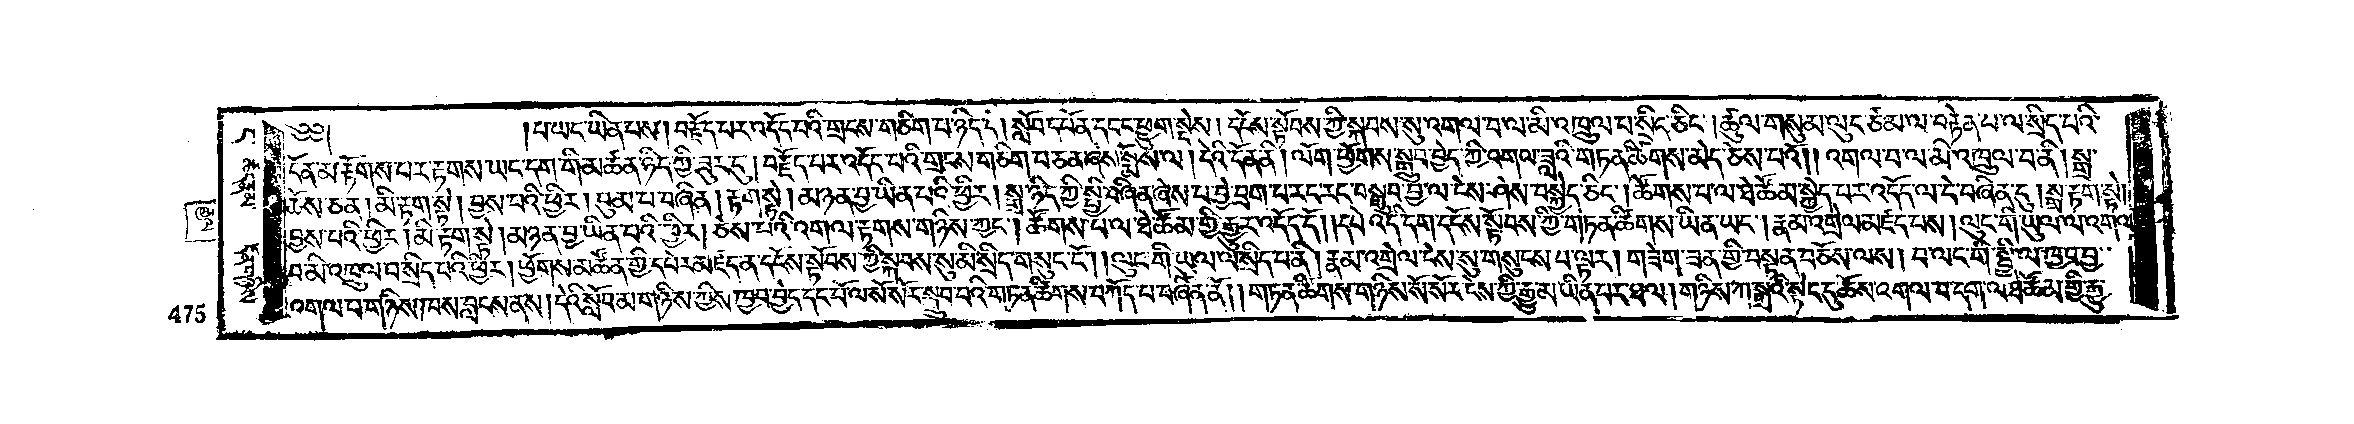༄༅། །པ་ཡང་ཡིན་པས། བརྗོད་པར་འདོད་པའི་གྲངས་གཅིག་པ་ཉིད་དེ། སློབ་དཔོན་དབང་ཕྱུག་སྡེས། དངོས་སྟོབས་ཀྱི་སྐབས་སུ་འགལ་བ་ལ་མི་འཁྲུལ་པ་སྲིད་ཅིང་། ཚུལ་གསུམ་ལུང་ཙམ་ལ་བརྟེན་པ་ལ་སྲིད་པའི་
དོན་མ་རྟོགས་པར་རྟགས་ཡང་དག་གི་མཚན་ཉིད་ཀྱི་ཟུར་དུ། བརྗོད་པར་འདོད་པའི་གྲངས་གཅིག་པ་ཅན་ཞེས་སྨོས་ལ། དེའི་དོན་ནི། ལོག་ཕྱོགས་སྒྲུབ་བྱེད་ཀྱི་འགལ་ཟླའི་གཏན་ཚིགས་མེད་ཅེས་པའོ། །འགལ་བ་ལ་མི་འཁྲུལ་པ་ནི། སྒྲ་
ཆོས་ཅན། མི་རྟག་སྟེ། བྱས་པའི་ཕྱིར། བུམ་པ་བཞིན། རྟག་སྟེ། མཉན་བྱ་ཡིན་པའི་ཕྱིར། སྒྲ་ཉིད་ཀྱི་སྤྱི་བཞིན་ཞེས་པ་བྱེ་བྲག་པ་རང་རང་བསྒྲུབ་བྱ་ལ་ངེས་ཤེས་བསྐྱེད་ཅིང་། ཚོགས་པ་ལ་ཐེ་ཚོམ་སྐྱེད་པར་འདོད་ལ་དེ་བཞིན་དུ་སྒྲ་རྟག་སྟེ།
བྱས་པའི་ཕྱིར། མི་རྟག་སྟེ། མཉན་བྱ་ཡིན་པའི་ཕྱིར། ཅེས་པའི་འགལ་རྟགས་གཉིས་ཀྱང་། ཚོགས་པ་ལ་ཐེ་ཚོམ་གྱི་རྒྱུར་འདོད་དོ། །དཔེ་འདི་དག་དངོས་སྟོབས་ཀྱི་གཏན་ཚིགས་ཡིན་ཡང་། རྣམ་འགྲེལ་མཛད་པས། ལུང་གི་ཡུལ་ལ་འགལ་
བ་མི་འཁྲུལ་པ་སྲིད་པའི་ཕྱིར། ཕྱོགས་མཚོན་གྱི་དཔེར་མཛད་ན་དངོས་སྟོབས་ཀྱི་སྐབས་སུ་མི་སྲིད་གསུང་ངོ། །ལུང་གི་ཡུལ་ལ་སྲིད་པ་ནི། རྣམ་འགྲེལ་ངེས་སུ་གསུངས་པ་ལྟར། གཟེག་ཟན་གྱི་བསྟན་བཅོས་ལས། བ་ལང་གི་སྤྱི་ལ་ཁྱབ་བྱ་
འགལ་བ་གཉིས་ཁས་བླངས་ནས། དེའི་སློབ་མ་གཉིས་ཀྱིས་ཁྱབ་བྱེད་དང་པོ་ལ་སོ་སོར་སྒྲུབ་པའི་གཏན་ཚིགས་བཀོད་པ་བཞིན་ནོ། །གཏན་ཚིགས་གཉིས་སོ་སོར་ངེས་ཀྱི་རྒྱུ་མ་ཡིན་པར་ཐལ། གཉིས་ཀ་སྒྲའི་སྟེང་དུ་ཆོས་འགལ་བ་དག་ལ་ཐེ་ཚོམ་གྱི་རྒྱུ་